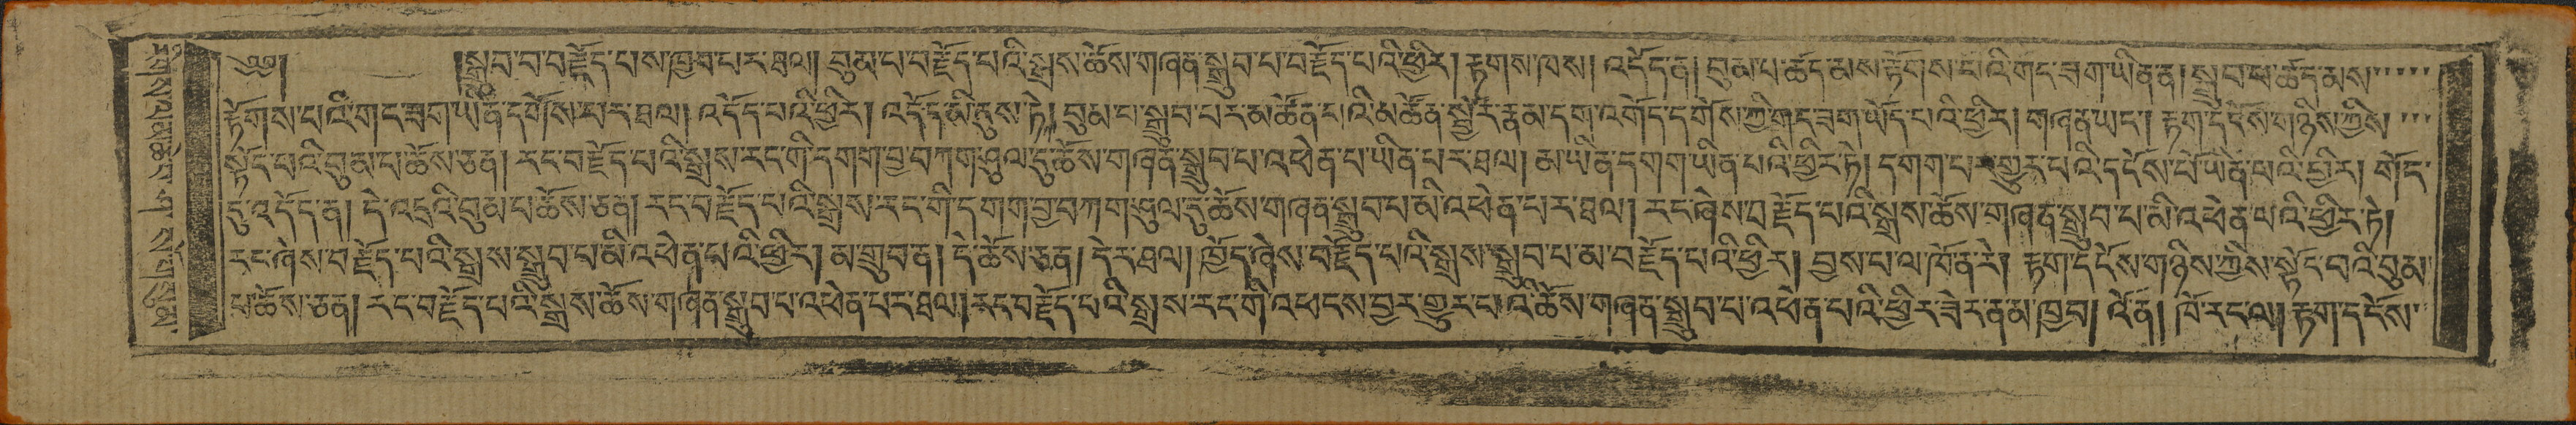༄༅། །སྒྲུབ་པ་བརྗོད་པས་ཁྱབ་པར་ཐལ། བུམ་པ་བརྗོད་པའི་སྒྲས་ཆོས་གཞན་སྒྲུབ་པ་བརྗོད་པའི་ཕྱིར། རྟགས་ཁས། འདོད་ན། བུམ་པ་ཚད་མས་རྟོགས་པའི་གང་ཟག་ཡིན་ན། སྒྲུབ་པ་ཚད་མས་
རྟོགས་པའི་གང་ཟག་ཡིན་དགོས་པར་ཐལ། འདོད་པའི་ཕྱིར། འདོད་མི་ནུས་ཏེ། བུམ་པ་སྒྲུབ་པར་མཚོན་པའི་མཚོན་སྦྱོར་རྣམ་དག་འགོད་དགོས་ཀྱི་གང་ཟག་ཡོད་པའི་ཕྱིར། གཞན་ཡང་། རྟག་དངོས་གཉིས་ཀྱིས་
སྟོད་པའི་བུམ་པ་ཆོས་ཅན། རང་བརྗོད་པའི་སྒྲས་རང་གི་དགག་བྱ་བཀག་ཤུལ་དུ་ཆོས་གཞན་སྒྲུབ་པ་འཕེན་པ་ཡིན་པར་ཐལ། མ་ཡིན་དགག་ཡིན་པའི་ཕྱིར་ཏེ། དགག་པར་གྱུར་པའི་དངོས་པོ་ཡིན་པའི་ཕྱིར། གོང་
དུ་འདོད་ན། དེ་འདྲའི་བུམ་པ་ཆོས་ཅན། རང་བརྗོད་པའི་སྒྲས་རང་གི་དགག་བྱ་བཀག་ཤུལ་དུ་ཆོས་གཞན་སྒྲུབ་པ་མི་འཕེན་པར་ཐལ། རང་ཞེས་བརྗོད་པའི་སྒྲས་ཆོས་གཞན་སྒྲུབ་པ་མི་འཕེན་པའི་ཕྱིར་ཏེ།
རང་ཞེས་བརྗོད་པའི་སྒྲས་སྒྲུབ་པ་མི་འཕེན་པའི་ཕྱིར། མ་གྲུབ་ན། དེ་ཆོས་ཅན། དེར་ཐལ། ཁྱོད་ཞེས་བརྗོད་པའི་སྒྲས་སྒྲུབ་པ་མ་བརྗོད་པའི་ཕྱིར། བྱས་པ་ལ་ཁོ་ན་རེ། རྟག་དངོས་གཉིས་ཀྱིས་སྟོང་པའི་བུམ་
པ་ཆོས་ཅན། རང་བརྗོད་པའི་སྒྲས་ཆོས་གཞན་སྒྲུབ་པ་འཕེན་པར་ཐལ། རང་བརྗོད་པའི་སྒྲས་རང་གི་འཕངས་བྱར་གྱུར་པའི་ཆོས་གཞན་སྒྲུབ་པ་འཕེན་པའི་ཕྱིར་ཟེར་ན་མ་ཁྱབ། འོ་ན། ཁོ་རང་ལ། རྟག་དངོས་